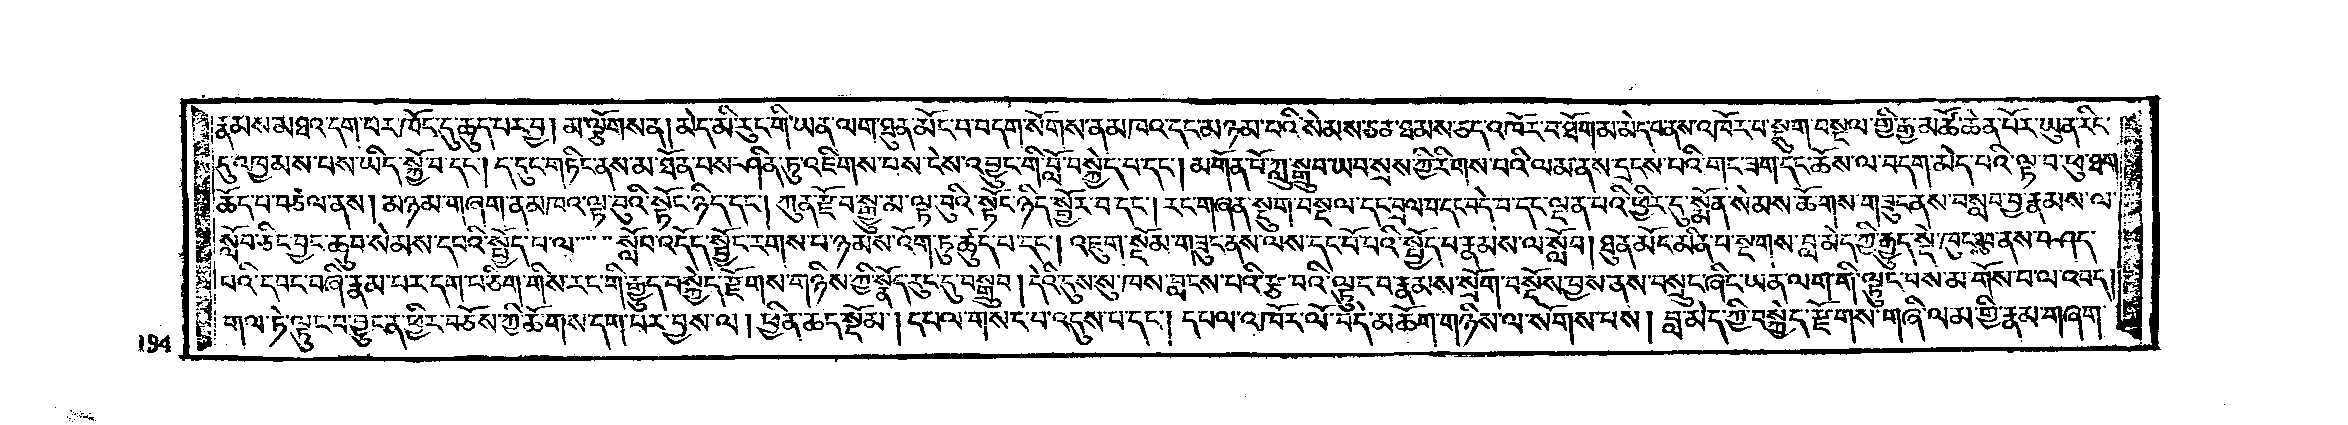རྣམས་མཐའ་དག་པར་ཁོང་དུ་ཆུད་པར་བྱ། མ་ལྕོགས་ན། མེད་མི་རུང་གི་ཡན་ལག་ཐུན་མོང་བ་བདག་སོགས་ནམ་མཁའ་དང་མཉམ་པའི་སེམས་ཅན་ཐམས་ཅད་འཁོར་བ་ཐོག་མ་མེད་པ་ནས་འཁོར་བ་སྡུག་བསྔལ་གྱི་རྒྱ་མཚོ་ཆེན་པོར་ཡུན་རིང་
དུ་འཁྱམས་པས་ཡིད་སྐྱོ་བ་དང་། ད་དུང་གཏིང་ནས་མ་ཐོན་པས་ཤིན་ཏུ་འཇིགས་པས་ངེས་འབྱུང་གི་བློ་བསྐྱེད་པ་དང་། མགོན་པོ་ཀླུ་སྒྲུབ་ཡབ་སྲས་ཀྱི་རིགས་པའི་ལམ་ནས་དྲངས་པའི་གང་ཟག་དང་ཆོས་ལ་བདག་མེད་པའི་ལྟ་བ་ཕུ་ཐག་
ཆོད་པ་བཅོལ་ནས། མཉམ་གཞག་ནམ་མཁའ་ལྟ་བུའི་སྟོང་ཉིད་དང་། ཀུན་རྫོབ་སྒྱུ་མ་ལྟ་བུའི་སྟོང་ཉིད་སྦྱོར་བ་དང་། རང་གཞན་སྡུག་བསྔལ་དང་བྲལ་བ་དང་བདེ་བ་དང་ལྡན་པའི་ཕྱིར་དུ་སྨོན་སེམས་ཆོགས་གཟུང་ནས་བསླབ་བྱ་རྣམས་ལ་
སློབ་ཅིང་བྱང་ཆུབ་སེམས་དཔའི་སྤྱོད་པ་ལ་སློབ་འདོད་སྦྱོང་རགས་པ་ཉམས་འོག་ཏུ་ཚུད་པ་དང་། འཇུག་སྡོམ་གཟུང་ནས་ལས་དང་པོ་པའི་སྤྱོད་པ་རྣམས་ལ་སློབ། ཐུན་མོང་མིན་པ་སྔགས་བླ་མེད་ཀྱི་རྒྱུད་སྡེ་ཁུངས་ཐུབ་ནས་བཤད་
པའི་དབང་བཞི་རྣམ་པར་དག་པ་ཅིག་གིས་རང་གི་རྒྱུད་བསྐྱེད་རྫོགས་གཉིས་ཀྱི་སྣོད་རུང་དུ་བསྒྲུབ། དེའི་དུས་སུ་ཁས་བླངས་པའི་རྩ་བའི་ལྟུང་བ་རྣམས་སྲོག་བསྡོས་བྱས་ནས་བསྲུང་ཞིང་ཡན་ལག་གི་ལྟུང་བས་མ་གོས་པ་ལ་འབད། གལ་ཏེ་ལྟུང་བ་བྱུང་ན་ཕྱིར་བཅོས་ཀྱི་ཆོགས་དག་པར་བྱས་ལ། ཕྱིན་ཆད་སྡོམ། དཔལ་གསང་བ་འདུས་པ་དང་། དཔལ་འཁོར་ལོ་བདེ་མཆོག་གཉིས་ལ་སོགས་པས། བླ་མེད་ཀྱི་བསྐྱེད་རྫོགས་གཞི་ལམ་གྱི་རྣམ་གཞག་